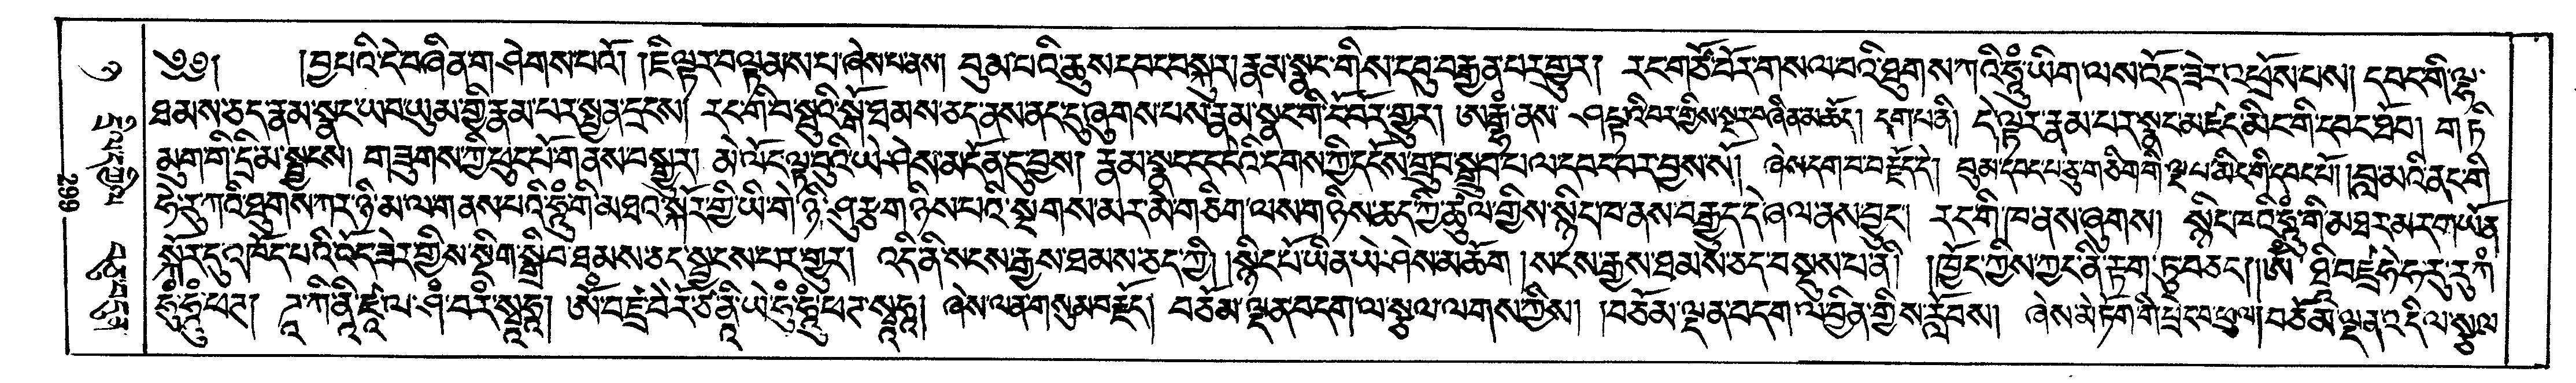༄༅། །བྱ་བའི་དེ་བཞིན་གཤེགས་བའོ། །ཇི་ལྟར་བལྟམས་པ་ཞེས་པ་ནས། བུམ་པའི་ཆུས་དབང་བསྐུར། རྣམ་སྣང་གིས་དབུ་བརྒྱན་པར་གྱུར། རང་གཙོ་བོར་གསལ་བའི་ཐུགས་ཀའི་ཧཱུཾ་ཡིག་ལས་འོད་ཟེར་འཕྲོས་པས། དབང་གི་ལྷ་
ཐམས་ཅད་རྣམ་སྣང་ཡབ་ཡུམ་གྱི་རྣམ་པར་སྤྱན་དྲངས། རང་གི་བ་སྤུའི་སྒོ་ཐམས་ཅད་ནས་ནང་དུ་ཞུགས་པས་རྣམ་སྣང་གི་ངོ་བོར་གྱུར། ཨརྒྷཾ་ནས་ཤཔྟའི་བར་གྱིས་སྔར་བཞིན་མཆོད། དག་བ་ནི། དེ་ལྟར་རྣམ་པར་སྣང་མཛད་མིང་གི་དབང་ཐོབ། གཏི་
མུག་གི་དྲི་མ་སྦྱངས། གཟུགས་ཀྱི་ཕུང་པོ་གནས་བསྒྱུར། མེ་ལོང་ལྟ་བུའི་ཡེ་ཤེས་མངོན་དུ་བྱས། རྣམ་སྣང་དང་དེའི་རིགས་ཀྱི་དངོས་གྲུབ་སྒྲུབ་པ་ལ་དབང་བར་བྱས་སོ། ཞེས་དག་པ་བརྗོད་དེ། བུམ་དབང་བཅུ་གཅིག་གི་ལྔ་པ་མིང་གི་དབང་ངོ། །བླ་མའི་ནང་གི་
ཧེ་རུ་ཀའི་ཐུགས་ཀར་ཉི་མ་ལ་གནས་པའི་ཧཱུཾ་གི་མཐའ་སྐོར་གྱི་ཡི་གེ་ཉི་ཤུ་རྩ་གཉིས་པའི་སྔགས་མར་མེ་གཅིག་ལས་གཉིས་ཆད་ཀྱི་ཚུལ་གྱིས་སྙིང་ཁ་ནས་བརྒྱུད་དེ་ཞལ་ནས་བྱུང་། རང་གི་ཁ་ནས་ཞུགས། སྙིང་ཁའི་ཧཱུཾ་གི་མཐའ་མར་གཡོན་
སྐོར་དུ་འཁོད་པའི་འོད་ཟེར་གྱིས་སྡིག་སྒྲིབ་ཐམས་ཅད་སྦྱངས་པར་གྱུར། འདི་ནི་སངས་རྒྱས་ཐམས་ཅད་ཀྱི། །སྙིང་པོ་ཡི་ནི་ཡེ་ཤེས་མཆོག །སངས་རྒྱས་ཐམས་ཅད་བསྡུས་པ་ནི། །ཁྱོད་ཀྱིས་ཀྱང་ནི་རྟག་ཏུ་བཅང་། །ཨོཾ་ཤྲཱི་བཛྲ་ཧེ་ཧེ་རུ་རུ་ཀཾ་
ཧུཾ་ཧུཾ་ཕཊ། ཌཱ་ཀི་ནཱི་ཛཱ་ལ་ཤཾ་བ་རཾ་སྭཱཧཱ། ཨོཾ་བཛྲ་བཻ་རོ་ཙ་ནཱི་ཡེ་ཧུཾ་ཧཱུཾ་ཕཊ་སྭཱཧཱ། ཞེས་ལན་གསུམ་བརྗོད། བཅོམ་ལྡན་བདག་ལ་སྩལ་ལགས་ཀྱིས། །བཅོམ་ལྡན་བདག་ལ་བྱིན་གྱིས་རློབས། ཞེས་མེ་ཏོག་གི་ཕྲེང་བ་ཕུལ། བཅོམ་ལྡན་འདི་ལ་སྩལ་